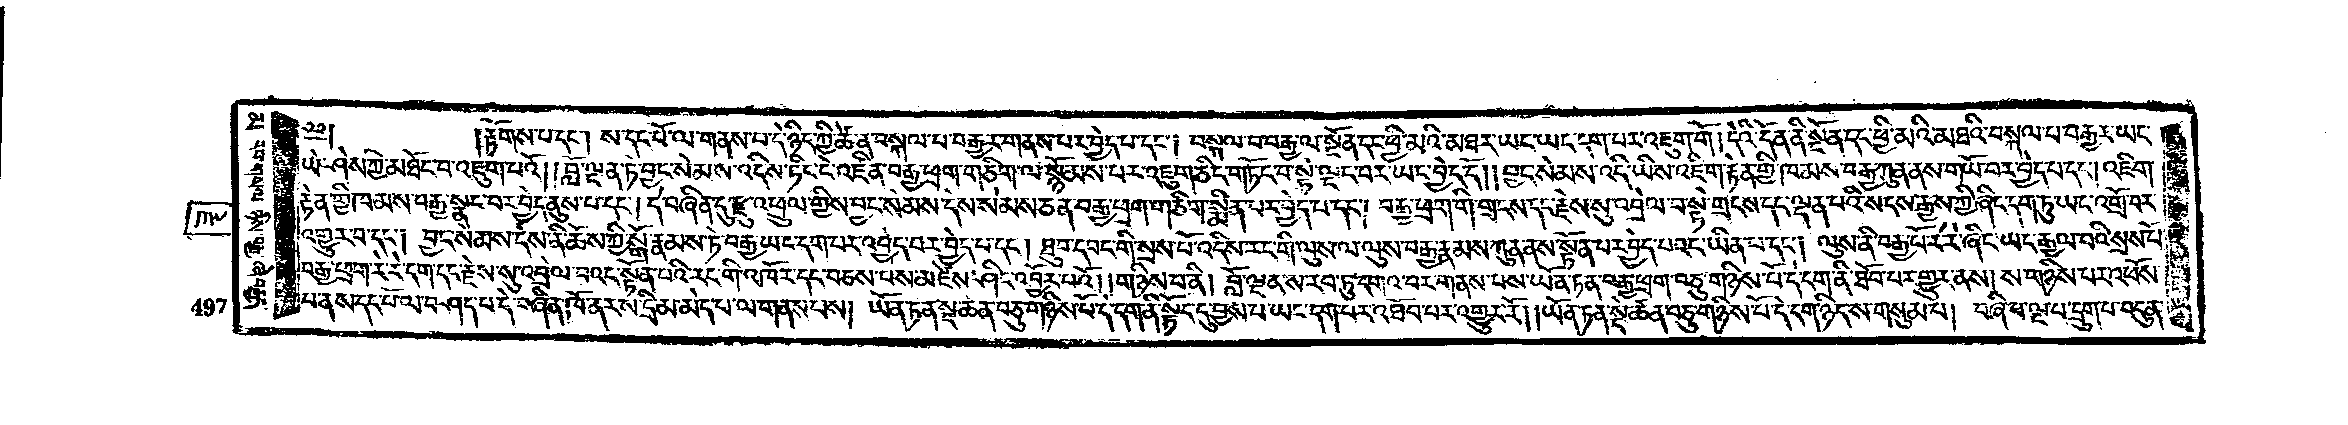༄༅། །རྟོགས་པ་དང་། ས་དང་པོ་ལ་གནས་པ་དེ་ཉིད་ཀྱི་ཚེ་ན་བསྐལ་པ་བརྒྱར་གནས་པར་བྱེད་པ་དང་། བསྐལ་བ་བརྒྱ་ལ་སྔོན་དང་ཕྱི་མའི་མཐར་ཡང་ཡང་དག་པར་འཇུག་གོ །དེའི་དོན་ནི་སྔོན་དང་ཕྱི་མའི་མཐའི་བསྐལ་པ་བརྒྱར་ཡང་
ཡེ་ཤེས་ཀྱི་མཐོང་བ་འཇུག་པའོ། །བློ་ལྡན་ཏེ་བྱང་སེམས་འདིས་ཏིང་ངེ་འཛིན་བརྒྱ་ཕྲག་གཅིག་ལ་སྙོམས་པར་འཇུག་ཅིང་གཏོང་བ་སྟེ་ལྡང་བར་ཡང་བྱེད་དོ། །བྱང་སེམས་འདི་ཡིས་འཇིག་རྟེན་གྱི་ཁམས་བརྒྱ་ཀུན་ནས་གཡོ་བར་བྱེད་པ་དང་། འཇིག་
རྟེན་གྱི་ཁམས་བརྒྱ་སྣང་བར་བྱེད་ནུས་པ་དང་། དེ་བཞིན་དུ་རྫུ་འཕྲུལ་གྱིས་བྱང་སེམས་དེས་སེམས་ཅན་བརྒྱ་ཕྲག་གཅིག་སྨིན་པར་བྱེད་པ་དང་། བརྒྱ་ཕྲག་གི་གྲངས་དང་རྗེས་སུ་འབྲེལ་བ་སྟེ་གྲངས་དང་ལྡན་པའི་སངས་རྒྱས་ཀྱི་ཞིང་དག་ཏུ་ཡང་འགྲོ་བར་
འགྱུར་བ་དང་། བྱང་སེམས་དེས་ནི་ཆོས་ཀྱི་སྒོ་རྣམས་ཏེ་བརྒྱ་ཡང་དག་པར་འབྱེད་པར་བྱེད་པ་དང་། ཐུབ་དབང་གི་སྲས་པོ་འདིས་རང་གི་ལུས་ལ་ལུས་བརྒྱ་རྣམས་ཀུན་ནས་སྟོན་པར་བྱེད་པའང་ཡིན་པ་དང་། ལུས་ནི་བརྒྱ་པོ་རེ་རེ་ཞིང་ཡང་རྒྱལ་བའི་སྲས་པོ་
བརྒྱ་ཕྲག་རེ་རེ་དག་དང་རྗེས་སུ་འབྲེལ་བའང་སྟོན་པའི་རང་གི་འཁོར་དང་བཅས་པས་མཛེས་ཤིང་འབྱོར་བའོ། །གཉིས་པ་ནི། བློ་ལྡན་ས་རབ་ཏུ་དགའ་བར་གནས་པས་ཡོན་ཏན་བརྒྱ་ཕྲག་བཅུ་གཉིས་པོ་དེ་དག་ནི་ཐོབ་པར་གྱུར་ནས། ས་གཉིས་པར་འཕོས་
པ་ནས་དང་པོ་ལ་བཤད་པ་དེ་བཞིན་ཁོ་ནར་ས་དྲི་མ་མེད་པ་ལ་གནས་པས། ཡོན་ཏན་སྡེ་ཚན་བཅུ་གཉིས་པོ་དེ་དག་ནི་སྟོང་དུ་བྱས་པ་ཡང་དག་པར་འཐོབ་པར་འགྱུར་རོ། །ཡོན་ཏན་སྡེ་ཚན་བཅུ་གཉིས་པོ་དེ་དག་ཉིད་ས་གསུམ་པ། བཞི་པ་ལྔ་པ་དྲུག་པ་བདུན་